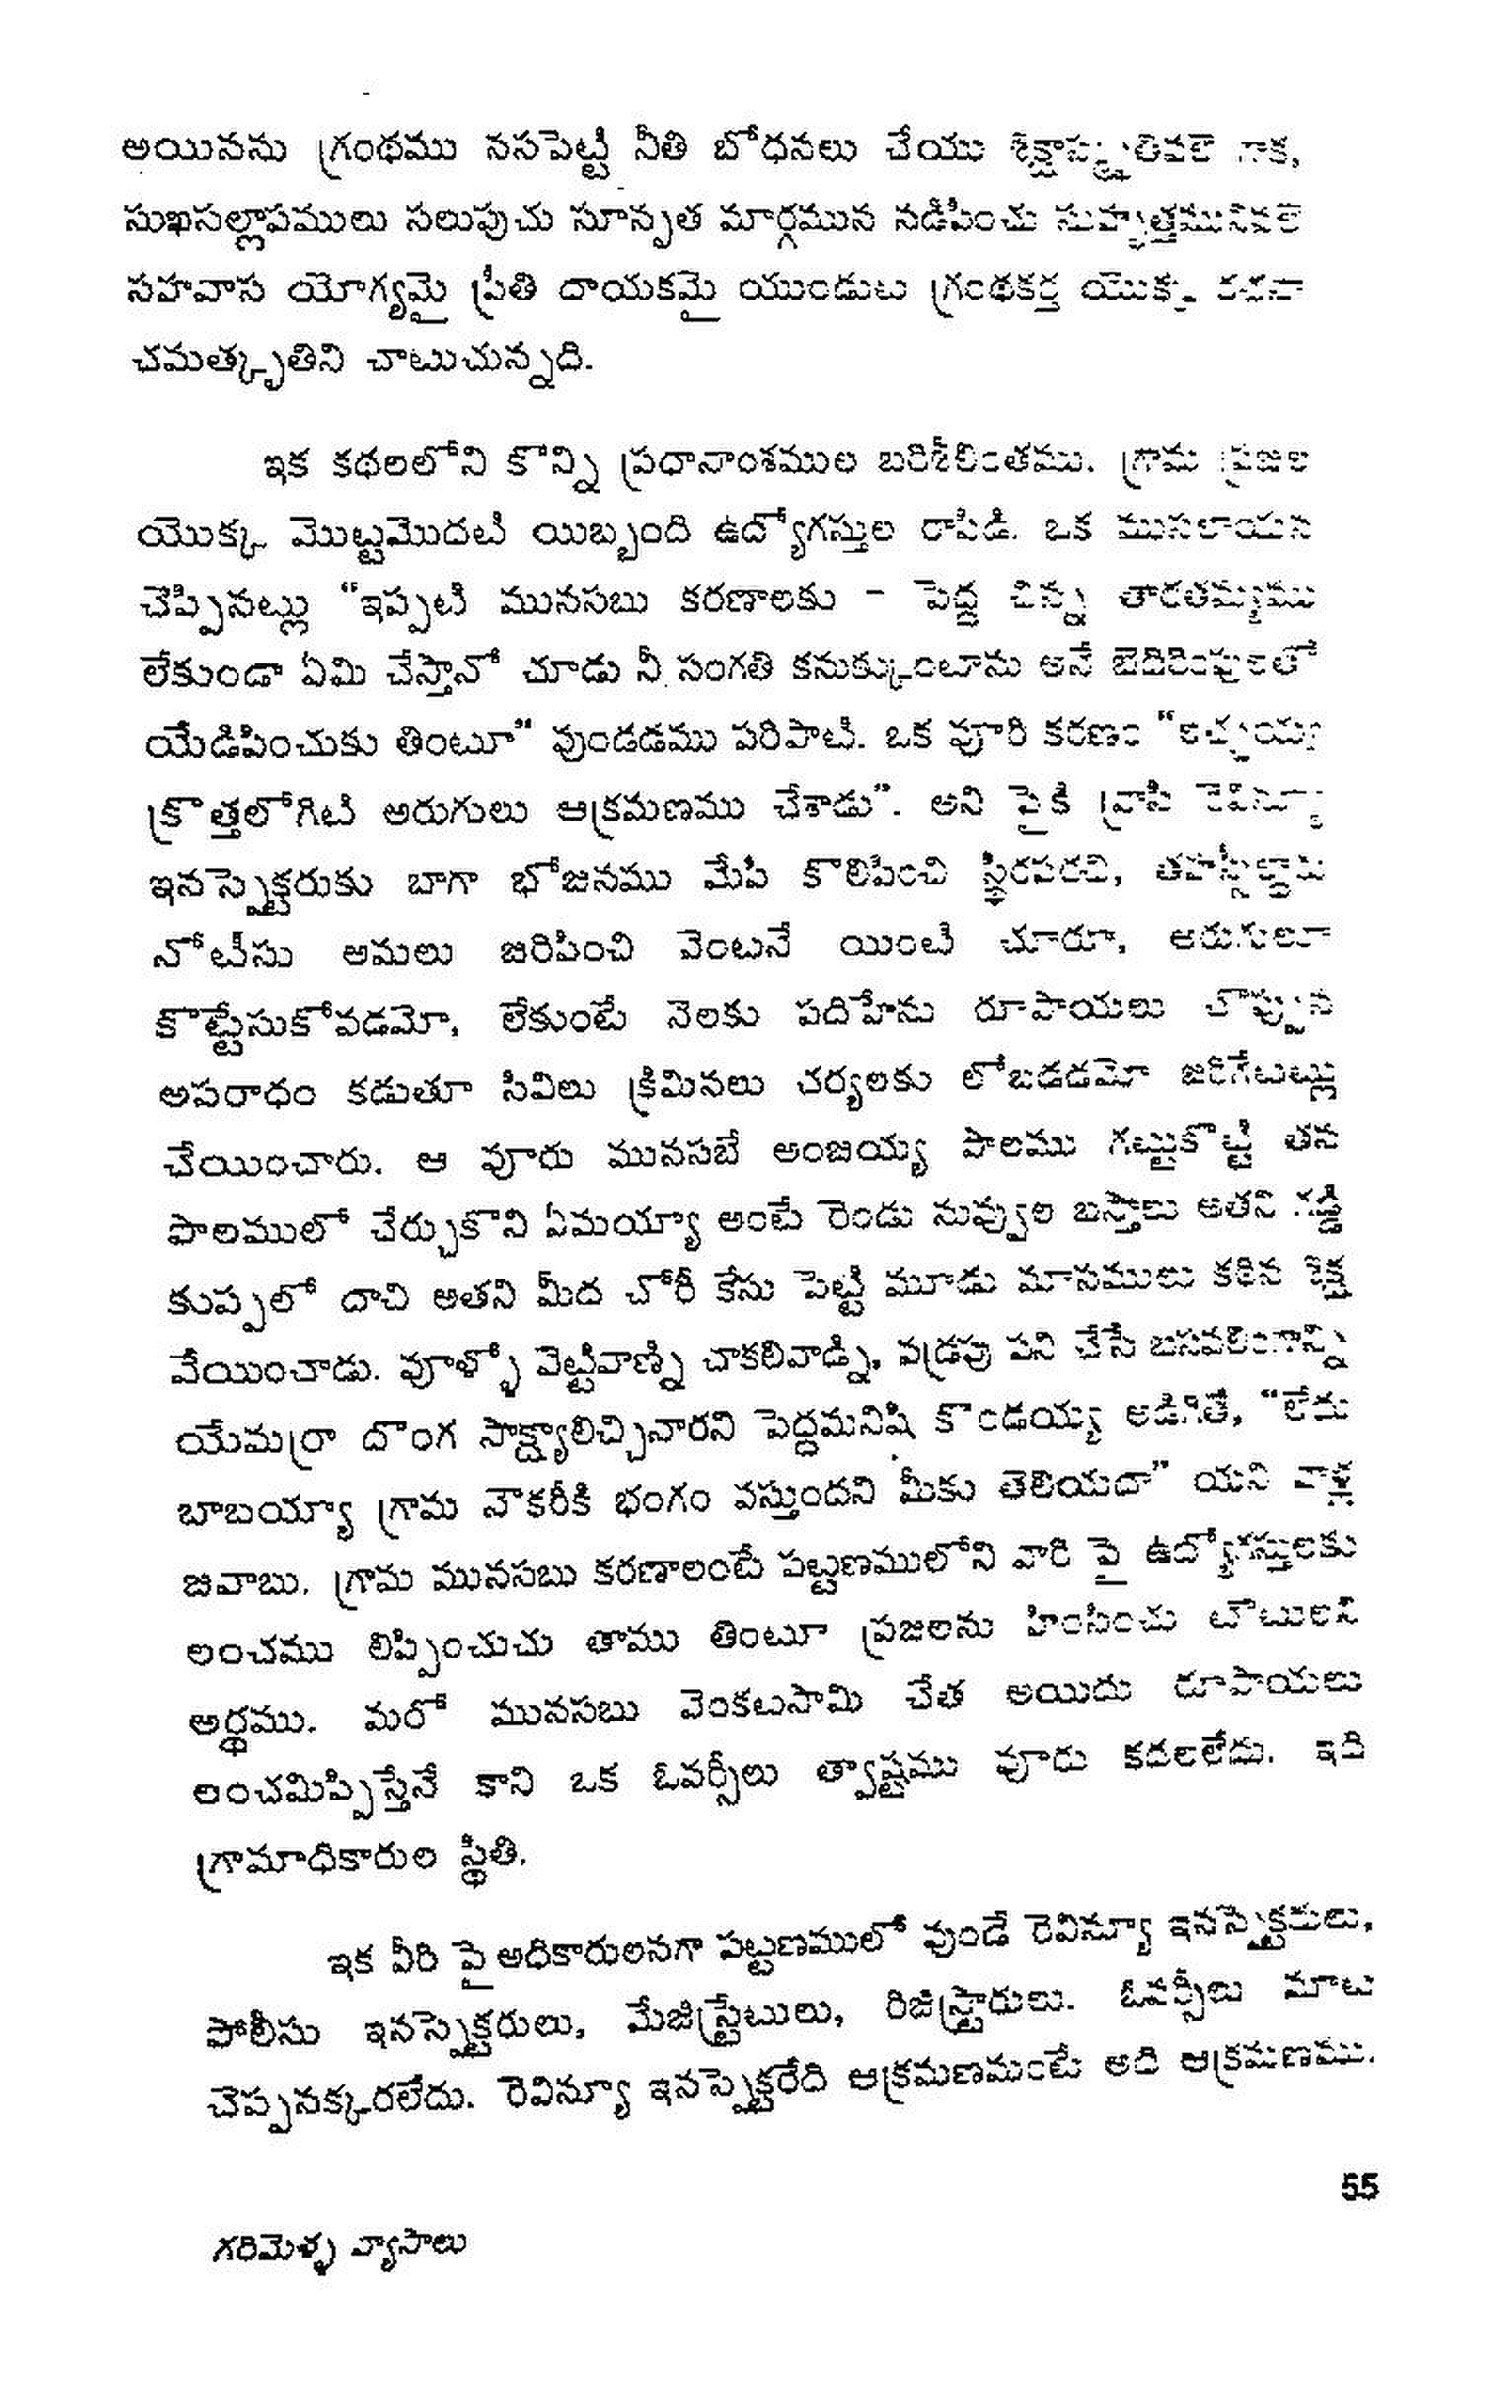అయినను గ్రంథము నసపెట్టి నీతి బోధనలు చేయు శిక్షాస్మృతివలె గాక, సుఖసల్లాపములు సలుపుచు సూనృత మార్గమున నడిపించు సుహృత్తమునివలె సహవాస యొగ్యమై ప్రీతి దాయకమై యుండుట గ్రంథకర్త యొక్క, రచనా చమత్కృతిని చాటుచున్నది.

ఇక కథలలోని కొన్ని ప్రధానాంశముల బరిశీలింతము. గ్రామ ప్రజల యొక్క మొట్టమొదటి యిబ్బంది ఉద్యోగస్తుల రాపిడి. ఒక ముసలాయన చెప్పినట్లు "ఇప్పటి మునసబు కరణాలకు - పెద్ద చిన్న తారతమ్యము లేకుండా ఏమి చేస్తానో చూడు నీ సంగతి కనుక్కుంటాను అనే బెదిరింపులతో యేడిపించుకు తింటూ" వుండడము పరిపాటి. ఒక వూరి కరణం "లచ్చయ్య క్రొత్తలోగిటి అరుగులు ఆక్రమణము చేశాడు." అని పైకి వ్రాసి రెవిన్యూ ఇనస్పెక్టరుకు బాగా భోజనము మేపి కొలిపించి స్థిరపరచి, తాహస్సీల్దారు నోటీసు అమలు జరిపించి వెంటనే పదిహేను రూపాయలు చొప్పున అపరాధం కడుతూ సివిలు క్రిమినలు చర్యలకు లోబడడమో జరిగేటట్లు చేయించారు. ఆ వూరు మునసబే అంజయ్య పొలము గట్టుకొట్టి తనపొలములో చేర్చుకొని ఏమయ్యా అంటే రెండు నువ్వుల బస్తాలు అతని గడ్డి కుప్పలో దాచి అతని మీద చోరీ కేసు పెట్టి మూడు మాసములు కఠిన శిక్ష వేయించాడు. వూళ్ళో వెట్టివాణ్ని చాకలివాడ్ని, వడ్రపు పని చేసే బసవలింగాన్ని యేమర్రా దొంగ సాక్ష్యాలిచ్చినారని పెద్దమనిషి కొండయ్య అడిగితే, "లేదు బాబయ్యా గ్రామ నౌకరికి భంగం వస్తుందని మీకు తెలియదా" యని వాళ్ల జవాబు. గ్రామ మునసబు కరణాలంటే పట్టణములోని వారి పై ఉద్యోగస్తులకు లంచము లిప్పించుచు తాము తింటూ ప్రజలను హింసించు టౌటులని అర్థము. మరో మునసబు వెంకటసామి చేత అయుదు రూపాయలు లంచమిప్పిస్తేనే కాని ఒవర్సీలు త్వాష్టము వూరు కదలలేదు. ఇది గ్రామాధికారుల స్థితి.

ఇక వీరి పై అధికారులనగా పట్టణములో వుండే రెవెన్యూ ఇనస్పెక్టరులు, పోలీసు ఇనస్పెక్టరులు, మేజిస్ట్రేటులు, రిజిస్ట్రారులు, ఓవర్సీలు మాట చెప్పనక్కరలేదు. రెవెన్యూ ఇనస్పెక్టరేది ఆక్రమణమంటే అది ఆక్రమణము.